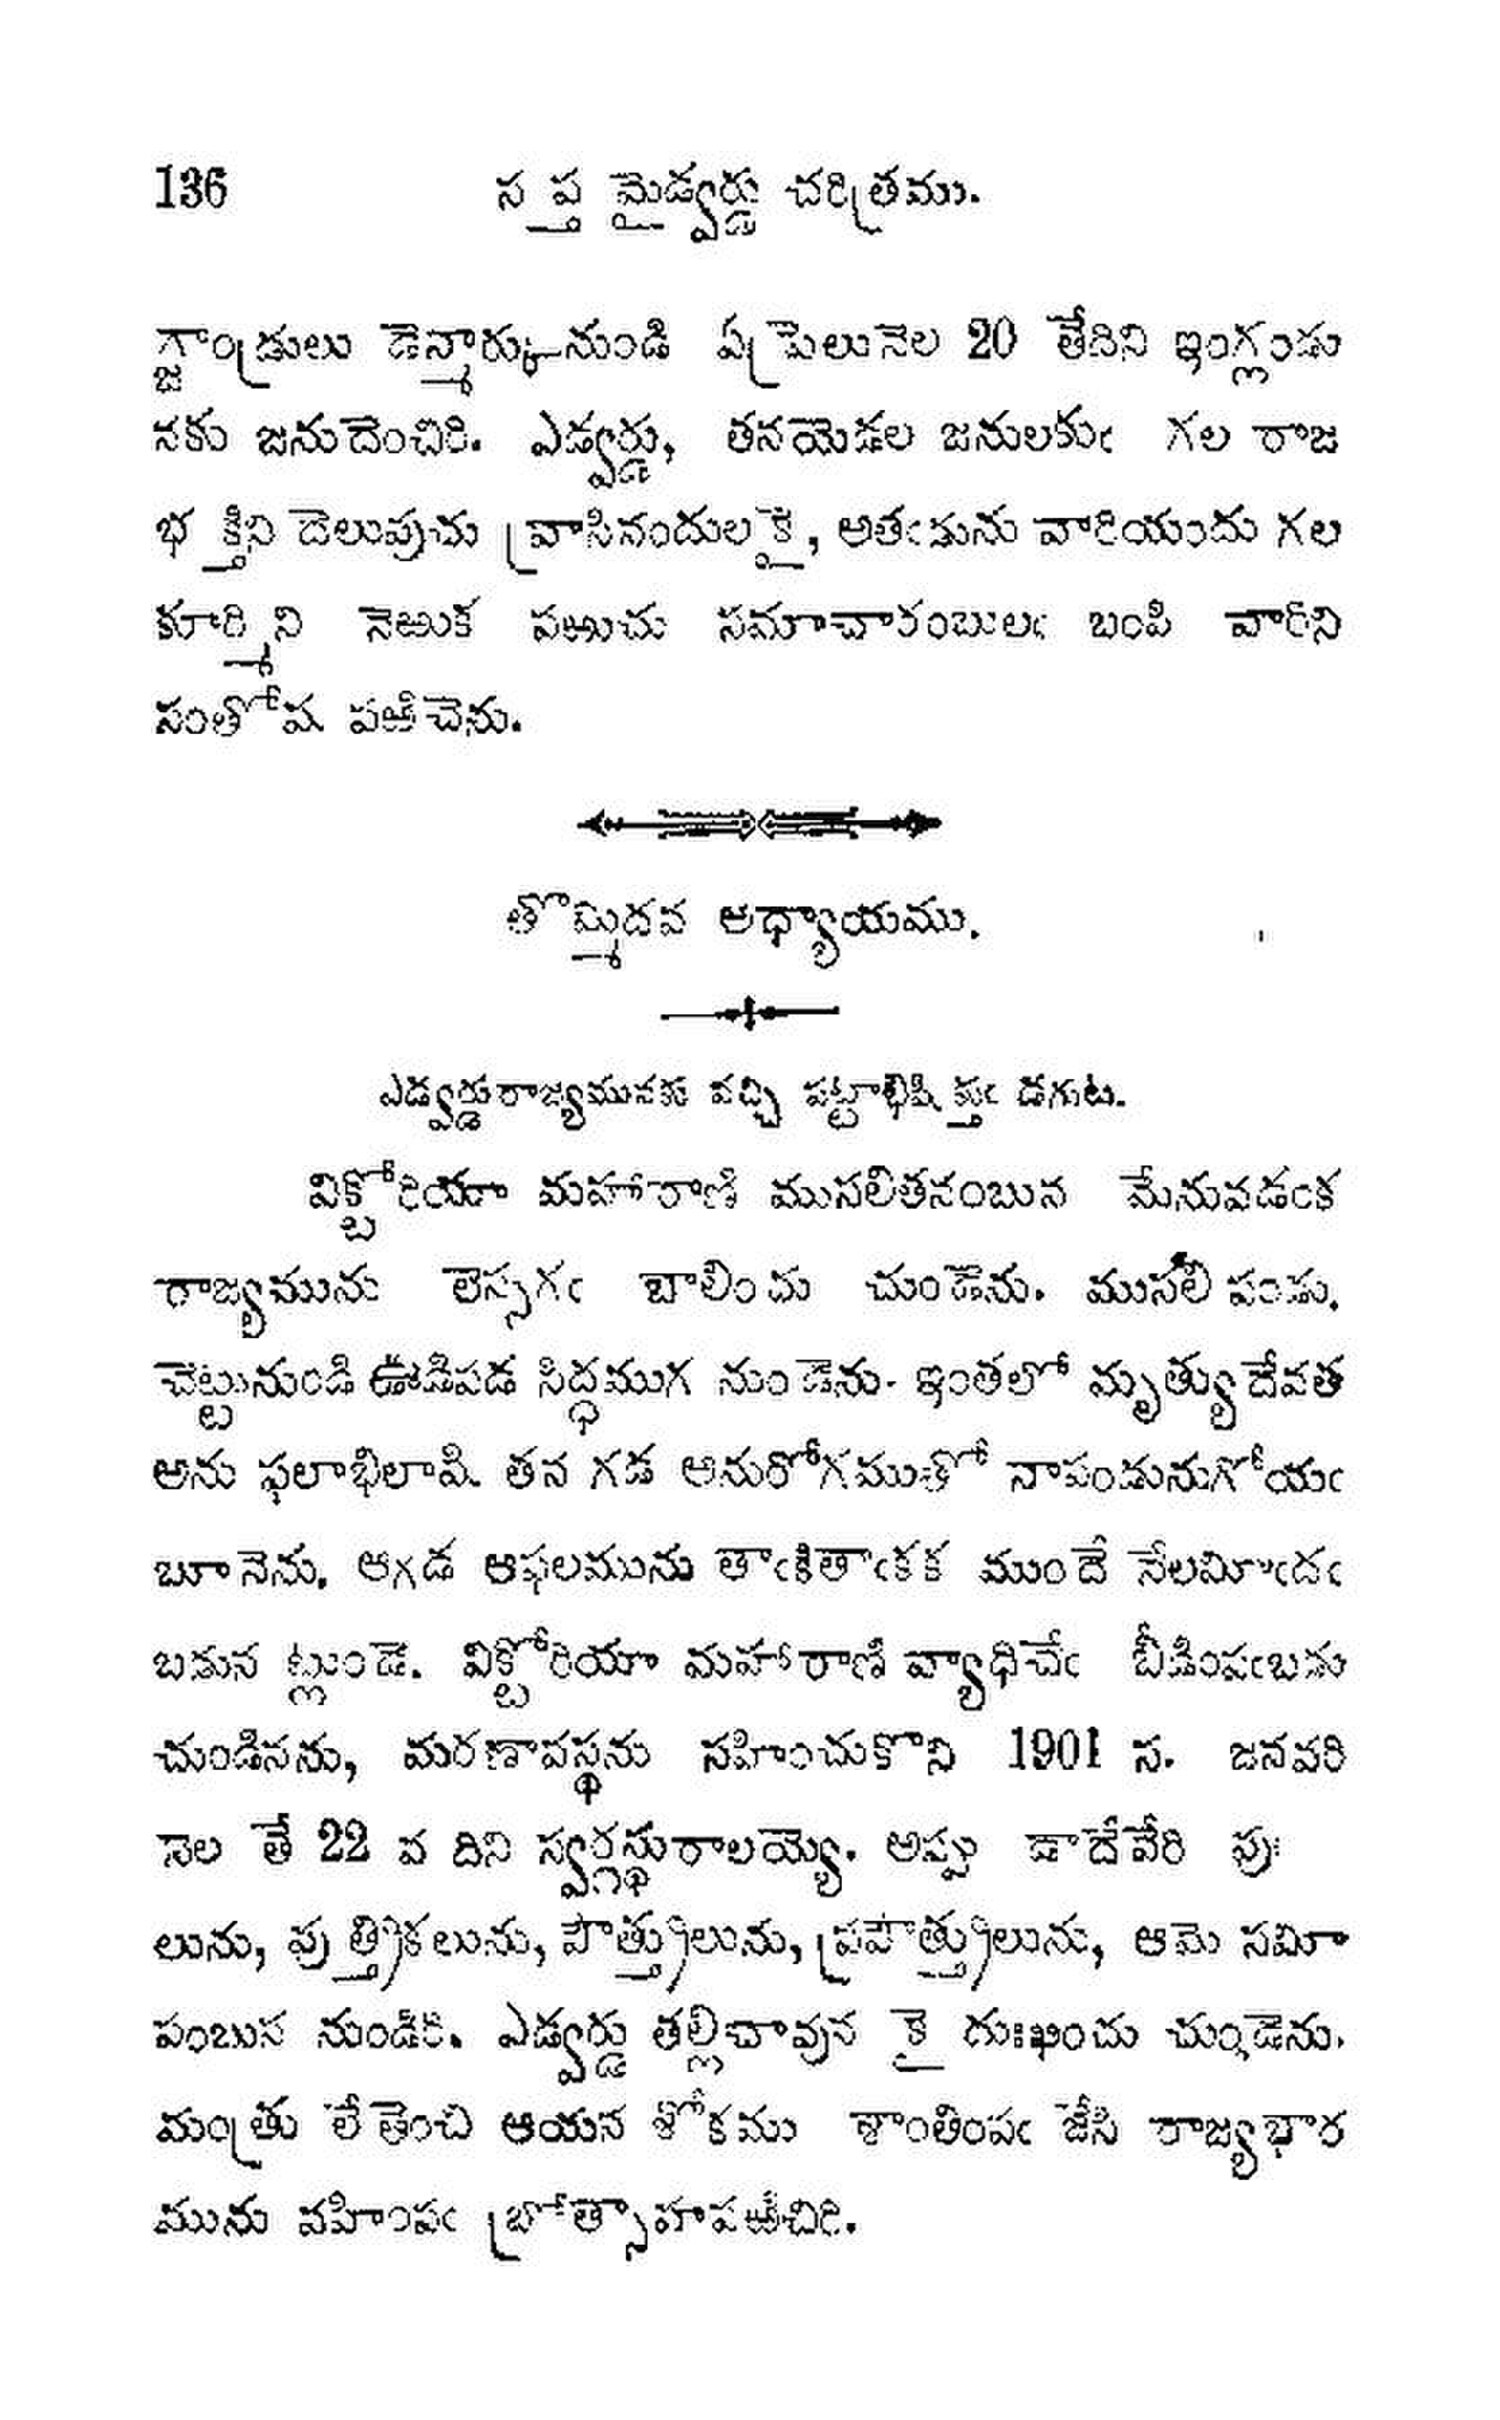గ్జాండ్రులు డెనార్కునుండి ఏప్రెలు నేల 20 తేదిని ఇంగ్లండు నకు జనుదెంచిరి. ఎడ్వర్డు, తనయెడల జనులకుఁ గల రాజు భక్తిని దెలుపుచు వ్రాసినందుల కై , అతఁడును వారియుందు గల కూర్మిని నెఱుక పఱచు సమాచారంబులం బంపి వారిని సంతోష పఱచెను.

విక్టోరియా మహారాణి ముసలితనంబున మేనువడంక రాజ్యమును లెస్సగం బాలించు చుండెను. ముసలీ పండు. చెట్టునుండి ఊడిపడ సిద్ధముగ నుండెను. ఇంతలో మృత్యు దేవత అను ఫలాభిలాషి. తన గడ ఆనురోగముతో నాపండునుగోయఁ బూనెను, ఆగడ ఆఫలమును తాకితాకక ముందే నేలమీఁదం బడున ట్లుండె. విక్టోరియా మహా రాణి వ్యాధిచే బీడింపబడు చుండినను, మరణావస్థను సహించుకొని 1901 స. జనవరి నెల "తే 22 వ దిని స్వర్గస్థురాలయ్యె. అప్పు డాదేవేరి పుత్రు లును, పుత్తికలును, పుత్రులును, ప్రహేతులును, ఆమె సమీ పంబుస నుండిరి. ఎడ్వర్డు తల్లిచావున కై దుఃఖించు చుండెను. మంత్రు 'లేతెంచి ఆయన శోకము శాంతింపఁ జేసి రాజ్యభారమును వహింప బ్రోత్సాహపరచిరి